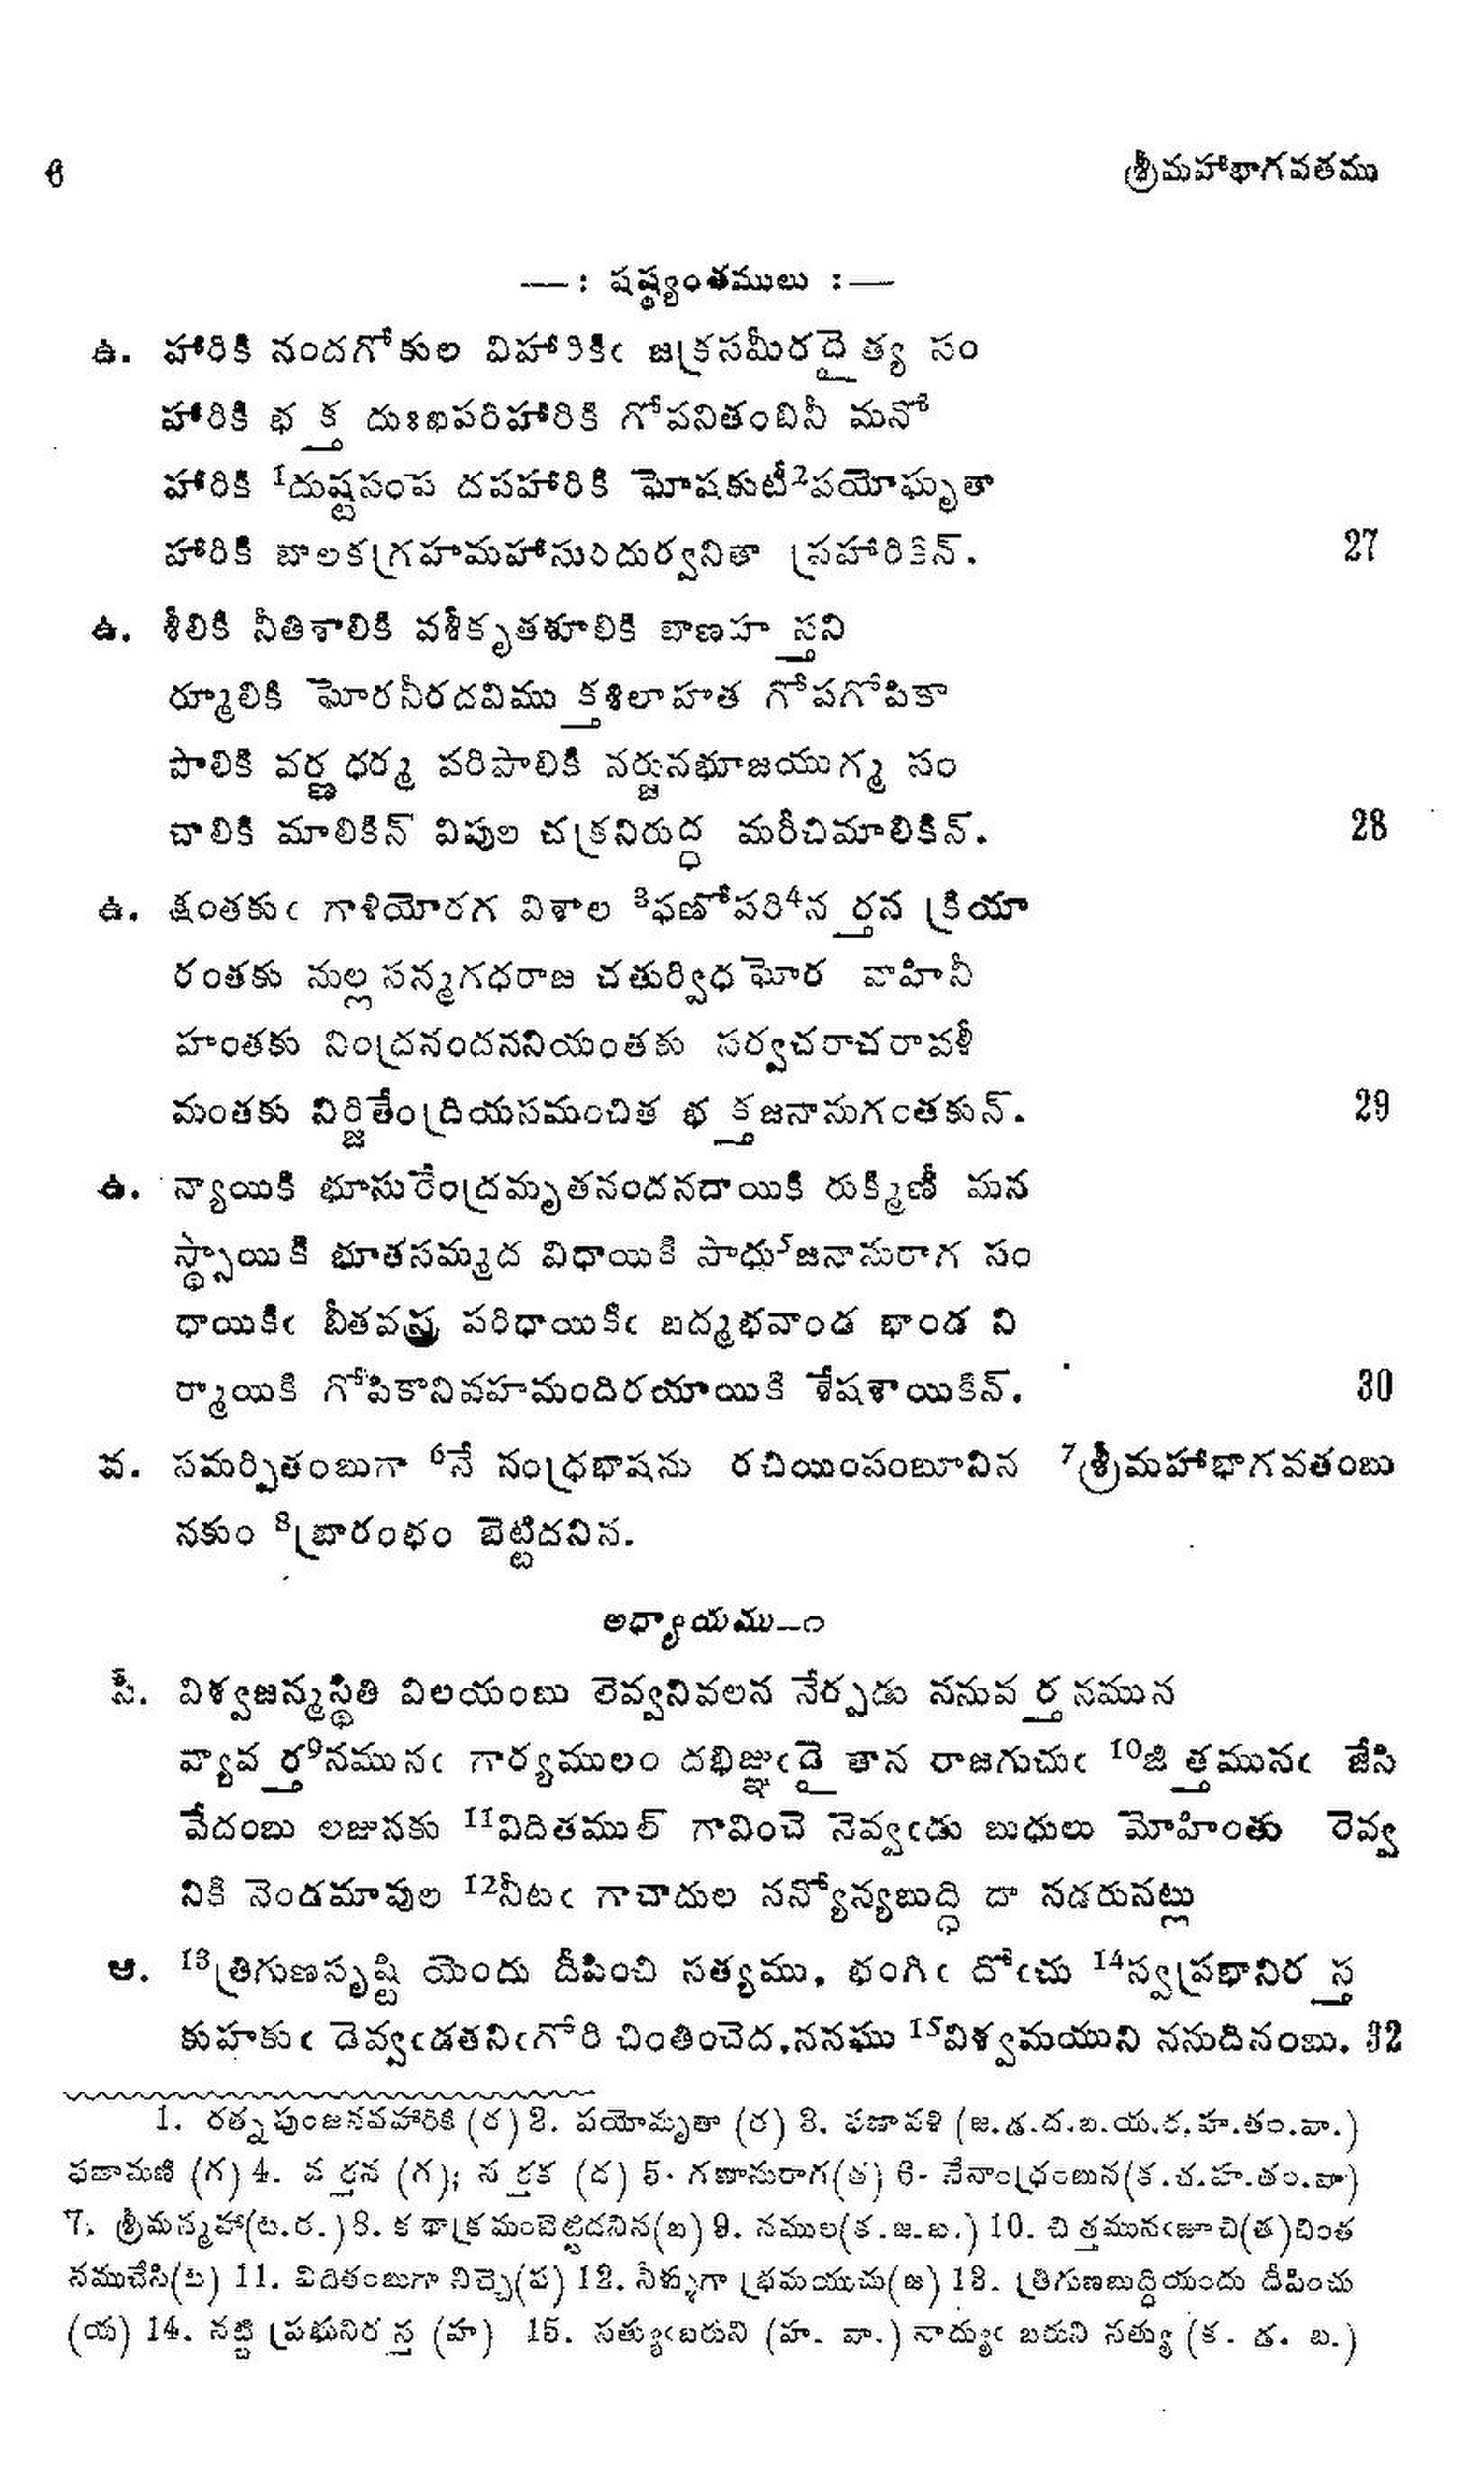6

ఉ. హారికి నందగోకుల విహారికిఁ జక్రసమీర దైత్య సం

హారికి భక్త దు:ఖ పరిహారికి గోపనితంబినీ మనో

హారికి దుష్టసంపదపహారికి ఘోషకుటీ పయో ఘృతా

హారికి బాలకగ్రహ మహాసుర దుర్వనితా ప్రహారికిన్. (1-27)

ఉ. శీలికి నీతిశాలికి వశీకృతశూలికి బాణహస్త ని

ర్మూలికి ఘోరనీరద విముక్త శిలాహత గోపగోపికా

పాలికి వర్ణధర్మపరిపాలికి నర్జున భూజయుగ్మ సం

చాలికి మాలికిన్ విపుల చక్రనిరుద్ధ మరీచిమాలికిన్. (1-28)

ఉ. క్షంతకుఁ గాళియోరగ విశాల ఫణోపరి నర్తనక్రియా

రంతకు నుల్లసన్మగధరాజ చతుర్విధ ఘోర వాహినీ

హంతకు నింద్రనందన నియంతకు సర్వచరాచరావళీ

మంతకు నిర్జితేంద్రియ సమంచిత భక్తజనానుగంతకున్. (1-29)

ఉ. న్యాయికి భూసురేంద్ర మృతనందనదాయికి రుక్మిణీ మన:

స్థాయికి భూతసమ్మద విధాయికి సాధు జనానురాగ సం

ధాయికిఁ బీతవస్త్ర పరిధాయికిఁ బద్మభవాండ భాండ ని

ర్మాయికి గోపికా నివహ మందిరయాయికి శేషశాయికిన్. (1-30)

వ. సమర్పితంబుగా నే నాంధ్రభాషను రచియింపఁబూనిన శ్రీమహాభాగవతంబునకుం బ్రారంభం బెట్టిదనిన, (1-31)